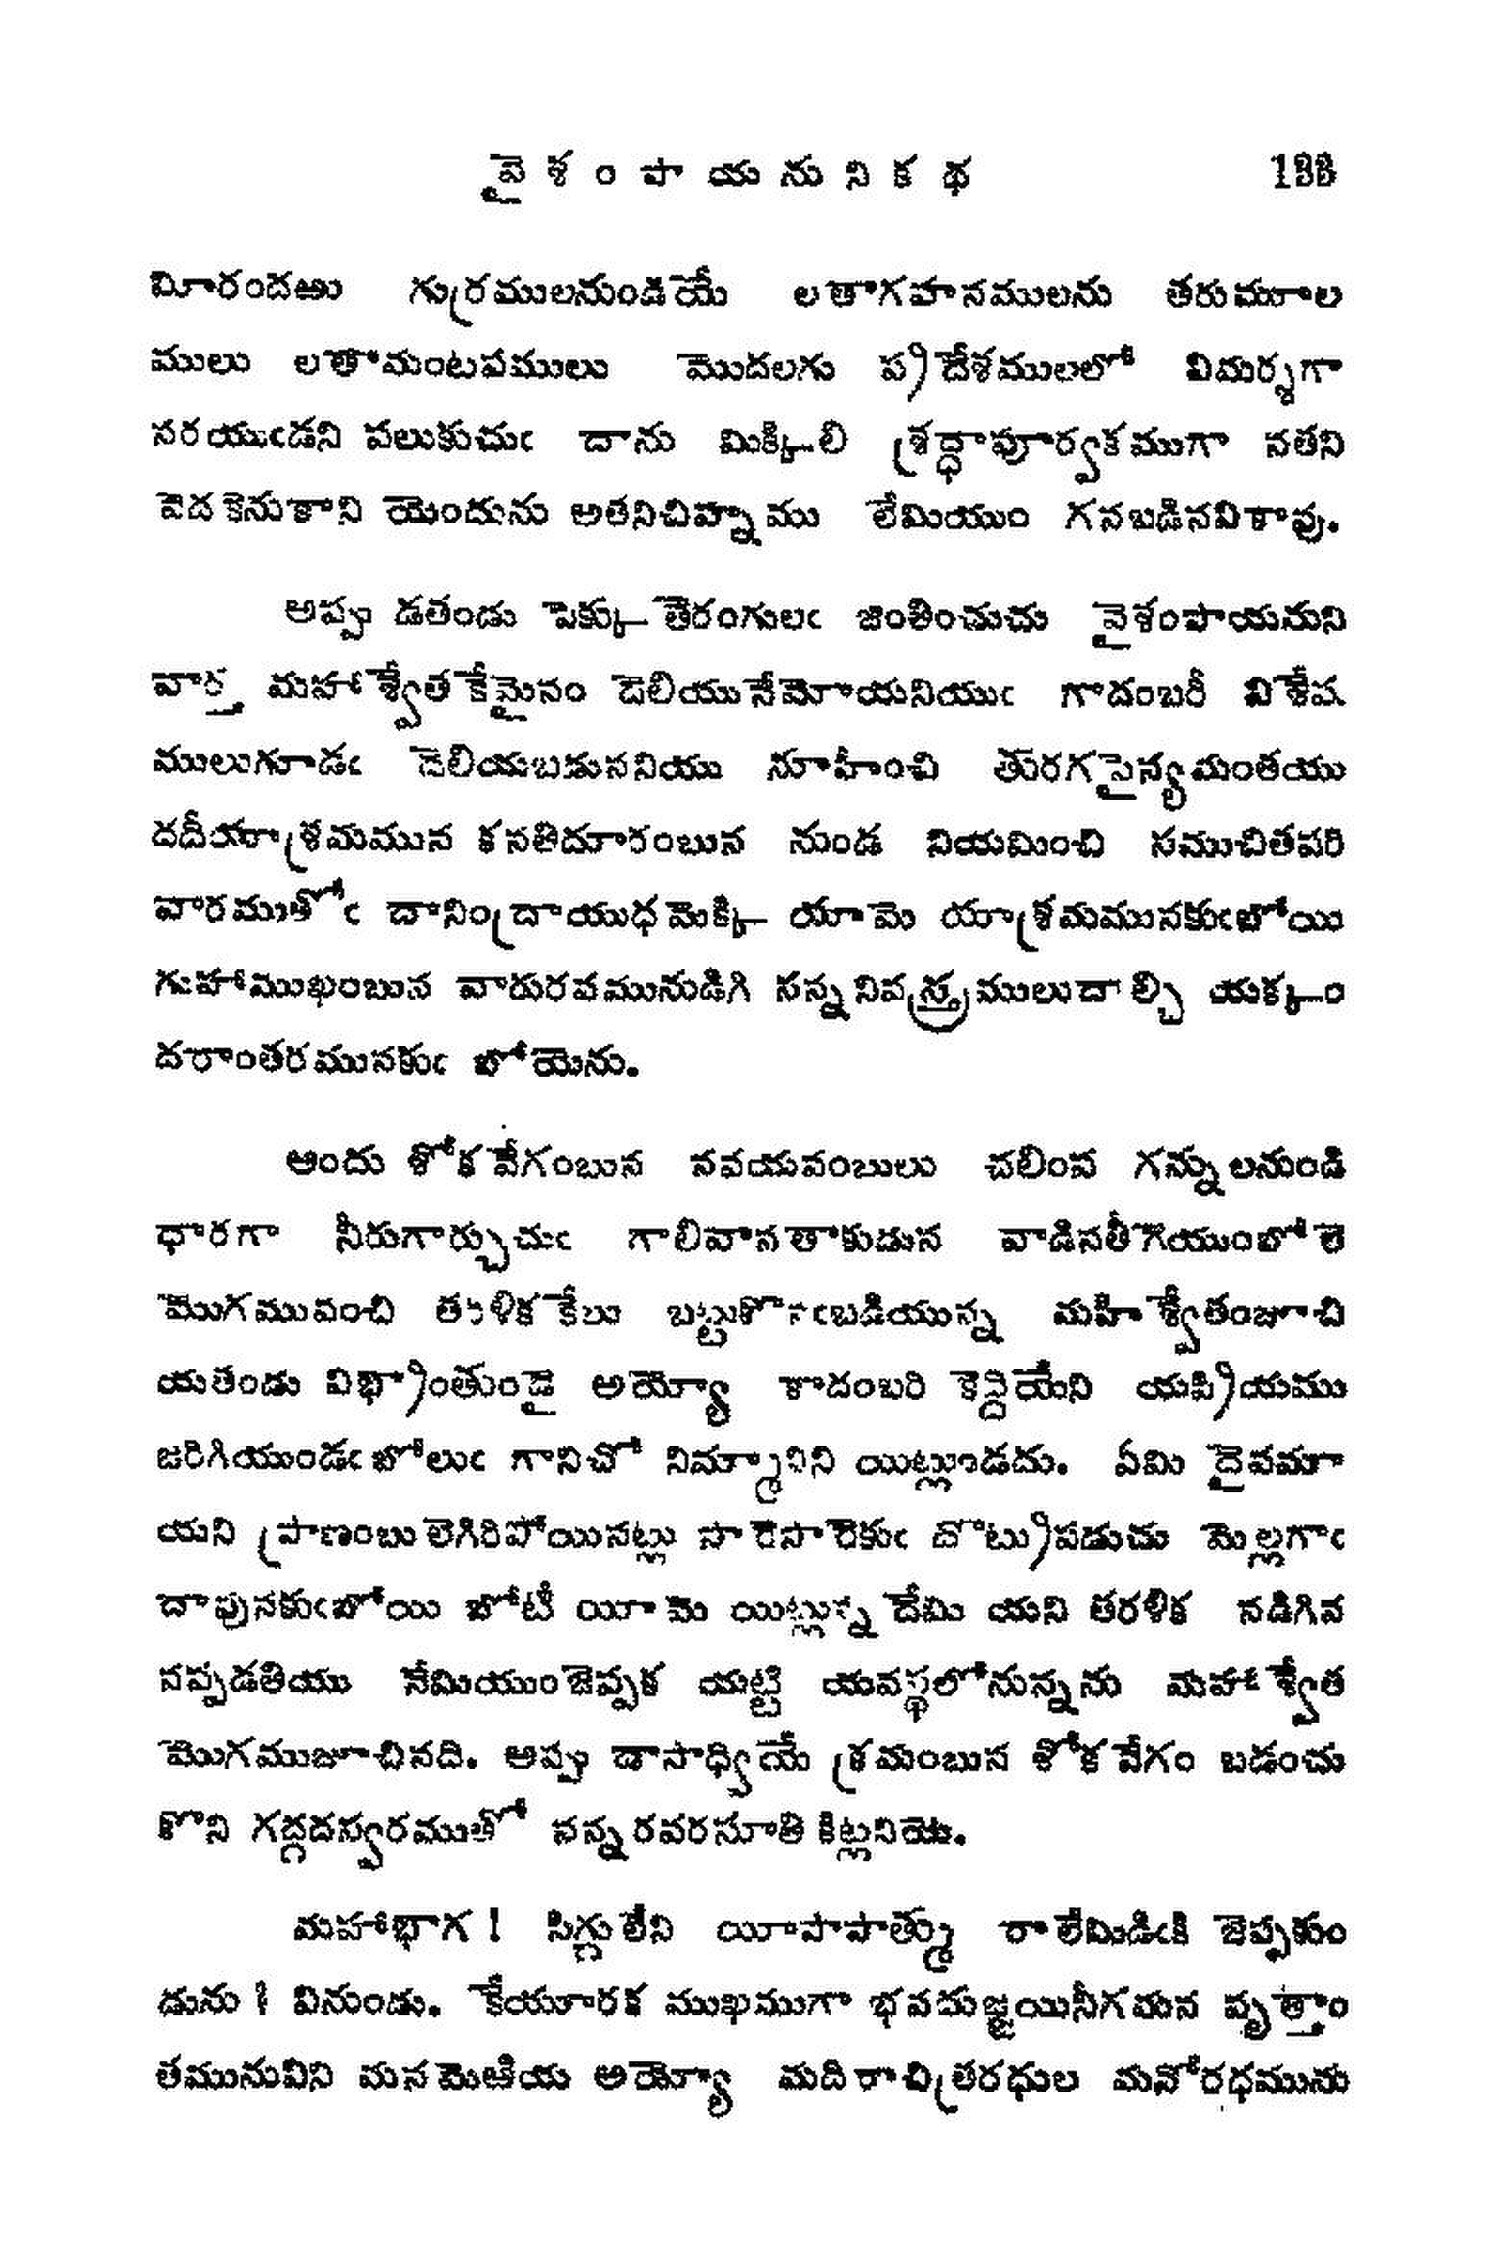మీరందఱు గుర్రములనుండియే లతాగహనములను తరుమూలములు లతామంటపములు మొదలగు ప్రదేశములలో విమర్శగా నరయుఁడని పలుకుచుఁ దాను మిక్కిలి శ్రద్ధాపూర్వకముగా నతని వెదకెనుకాని యెందును అతనిచిహ్నము లేమియుం గనబడినవికావు.

అప్పు డతడు పెక్కుతెరంగులఁ జింతించుచు వైశంపాయనుని వార్త మహాశ్వేతకేమైనం దెలియునేమోయనియుఁ గాదంబరీ విశేషములుగూడఁ దెలియబడుననియు నూహించి తురగసైన్యమంతయు దదీయాశ్రమమున కనతిదూరంబున నుండ నియమించి సముచితపరివారముతోఁ దానింద్రాయుధమెక్కి యామె యాశ్రమమునకుఁబోయి గుహాముఖంబున వారురవమునుడిగి సన్ననివస్త్రములుదాల్చి యక్కందరాంతరమునకుఁ బోయెను.

అందు శోకవేగంబున నవయవంబులు చలింప గన్నులనుండి ధారగా నీరుగార్చుచుఁ గాలివానతాకుడున వాడినతీగెయుంబోలె మొగమువంచి తరిళికకేలు బట్టుకొనఁబడియున్న మహిశ్వేతంజూచి యతండు విభ్రాంతుండై అయ్యో కాదంబరి కెద్దియేని యప్రియము జరిగియుండఁబోలుఁ గానిచో నిమ్మానిని యిట్లుండదు. ఏమి దైవమా యని ప్రాణంబులెగిరిపోయినట్లు సారెసారెకుఁ దొట్రుపడుచు మెల్లగాఁ దాపునకుఁబోయి బోటీ యీమె యిట్లున్న దేమి యని తరళిక నడిగిన నప్పడతియు నేమియుంజెప్పక యట్టి యవస్థలోనున్నను మహాశ్వేత మొగముజూచినది. అప్పు డాసాధ్వియే క్రమంబున శోకవేగం బడంచుకొని గద్గదస్వరముతో నన్నరవరసూతి కిట్లనియె.

మహాభాగ! సిగ్గులేని యీపాపాత్ము రాలేమిడిఁకి జెప్పకుండును? వినుండు. కేయూరక ముఖముగా భవదుజ్జయినీగమన వృత్తాంతమునువిని మనమెఱియ అయ్యో మదిరాచిత్రరధుల మనోరధమును